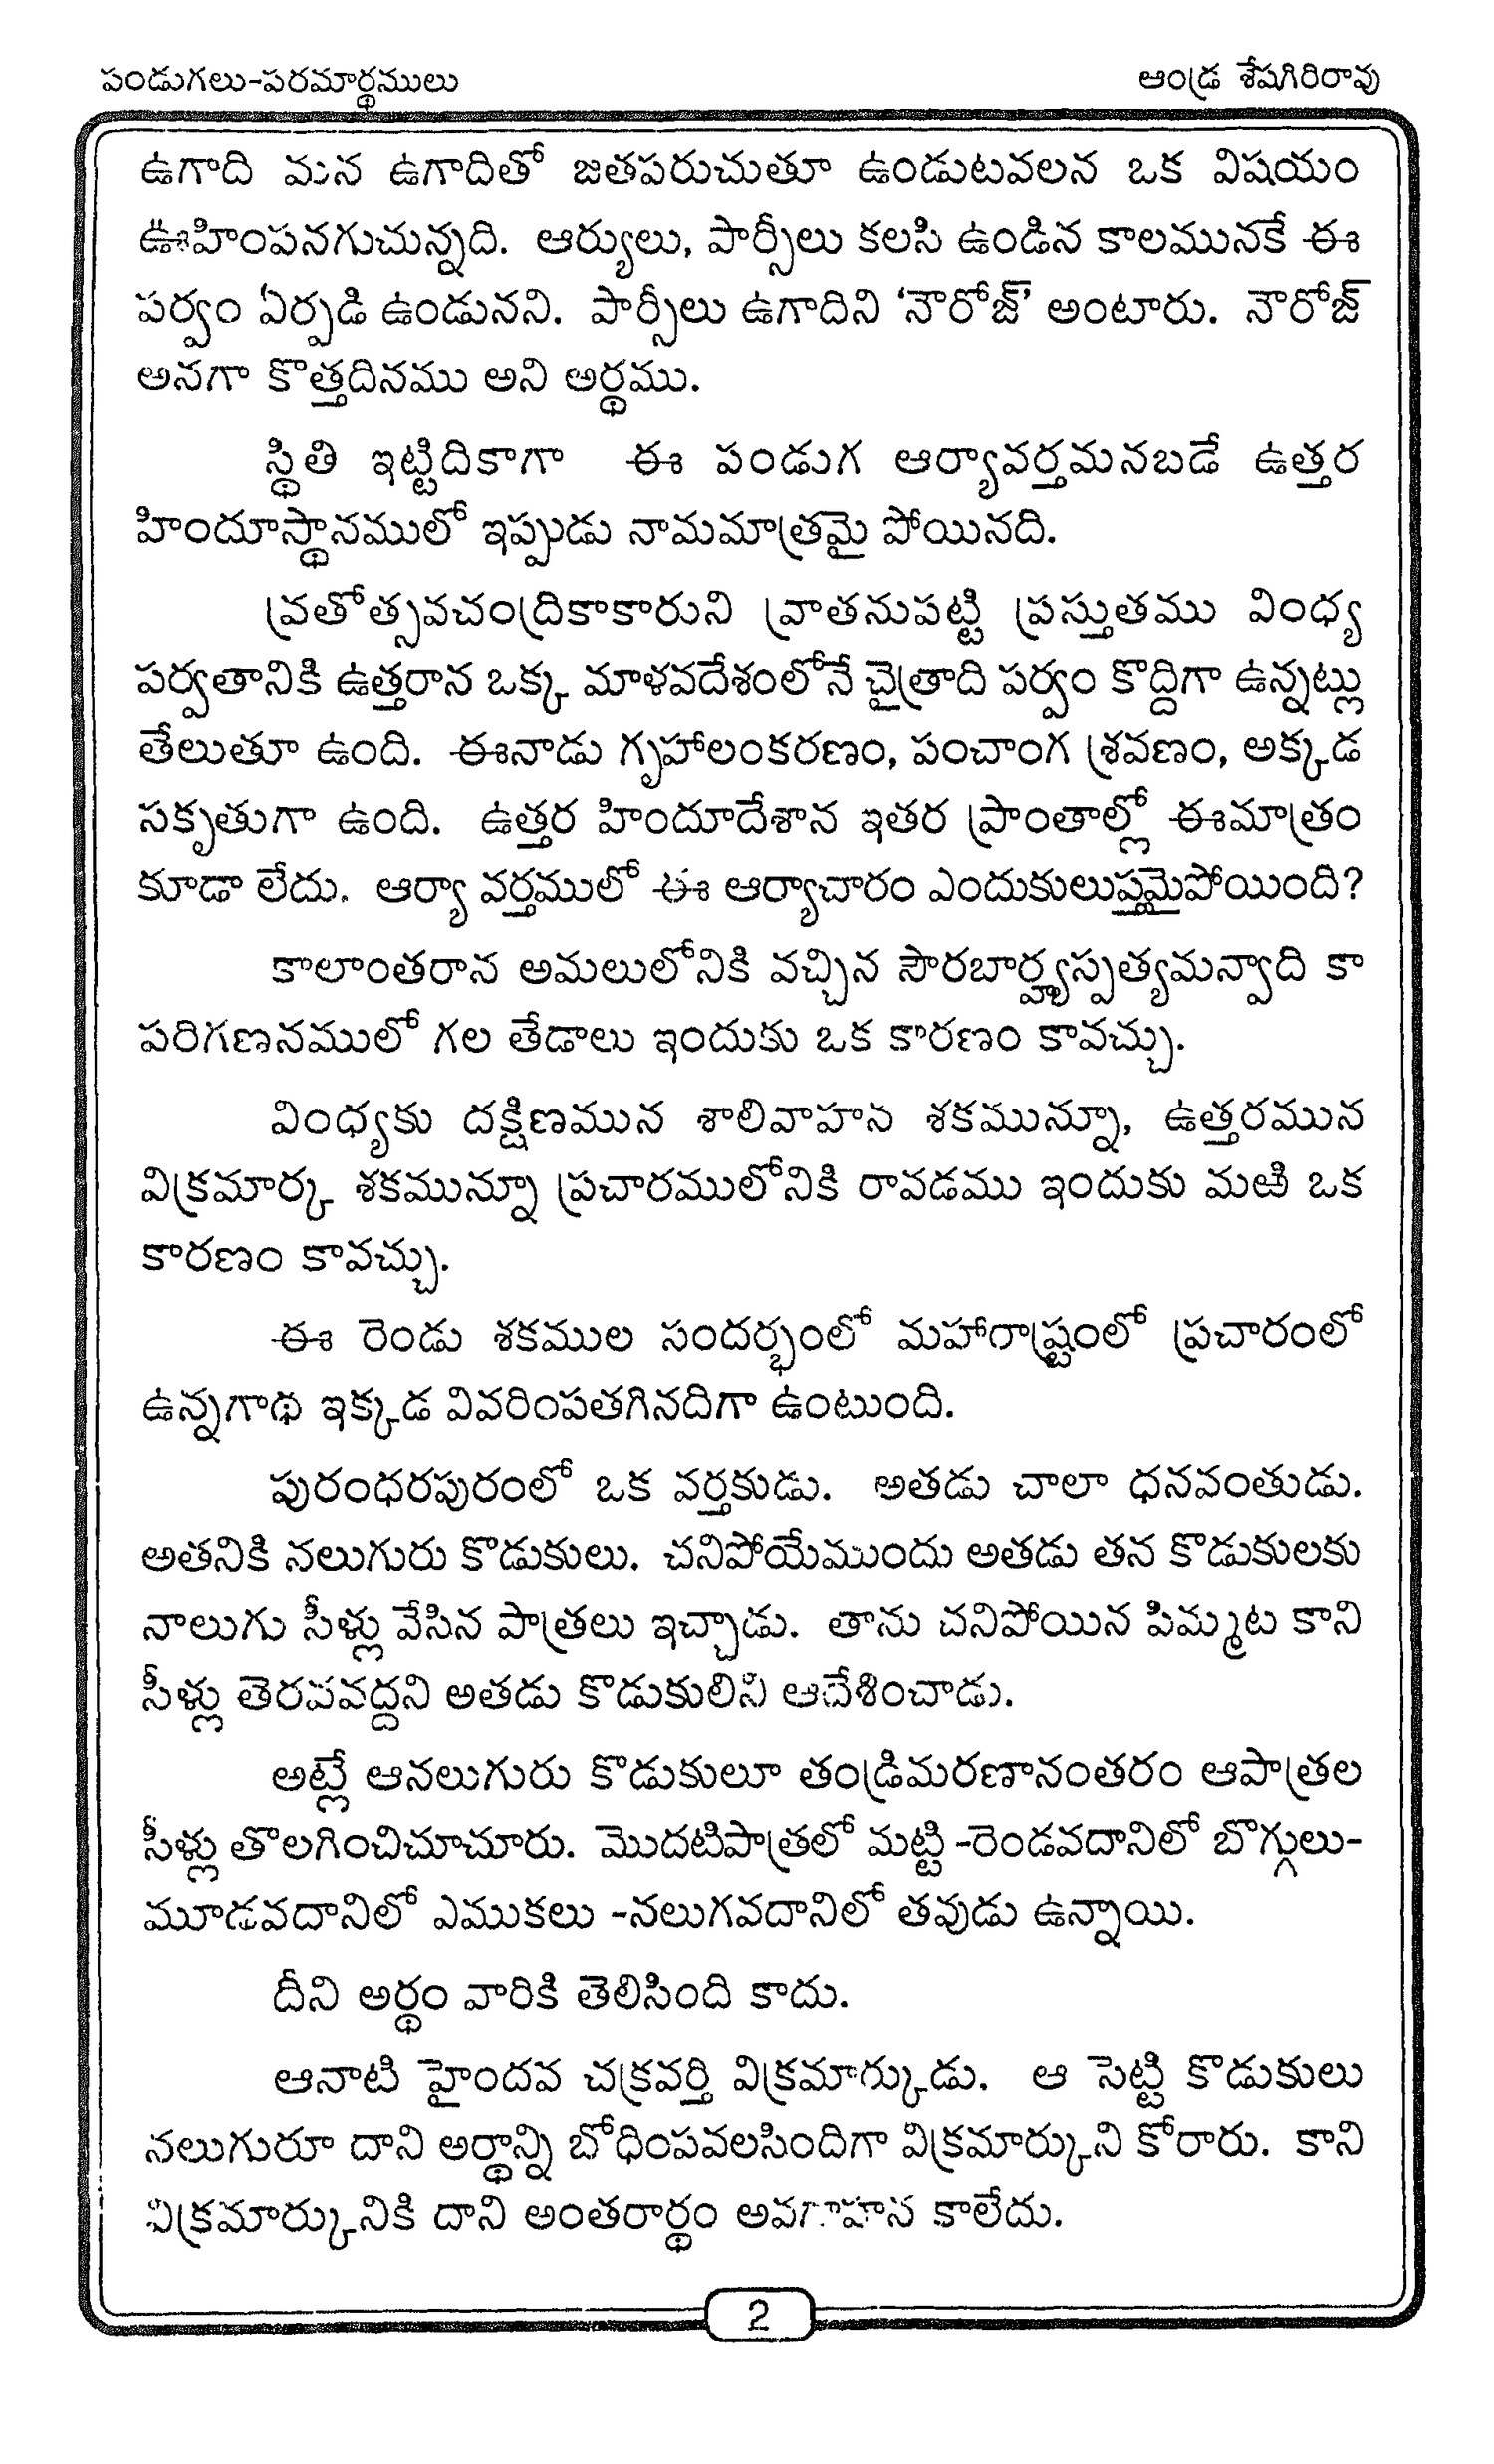ఉగాది మన ఉగాదితో జతపరుచుతూ ఉండుటవలన ఒక విషయం ఊహింపనగు చున్నది. ఆర్యులు పార్శీలు కలసి ఉండిన కాలమునకే ఈ పర్వం ఏర్పడి ఉండునని పార్శీలు ఉగాదిని 'నౌరోజ్ ' అంటారు. నౌరోజ్ అనగా కొత్తదినము అని అర్ధము.
 స్థితి ఇట్తిదికాగా ఈ పండుగ ఆర్యావర్తమనబడే ఉత్తర హిందూస్థానములో ఇప్పుడు నామకాత్రమై పోయినది.
 వ్రతోత్సవచంద్రికాకారుని వ్రాతనుపట్టి ప్రస్తుతము వింధ్యపర్వతానికి ఉత్తరాన ఒక్క మాళవదేశంలోనే చైత్రాది పర్వం కొద్దిగా ఉన్నట్లు తేలుతూ ఉంది. ఈనాదు గృహాలంకరణం, పంచాంగ శ్రవణం, అక్కడ సకృతుగా ఉంది. ఉత్తర హిందూదేశాన ఇతర ప్రాంతాల్లో ఈమాత్రం కూడా లేదు. ఆర్యావర్తనములో ఈ ఆర్యాచారం ఎందుకు లుప్తమైపోయింది?
 కాలాంతరాన అమలులొనికి వచ్చిన సౌరభార్హ్యస్వత్యమున్వాది కా పరిగణనములో గల తేడాలు ఇందుకు ఒక కారణం కావచ్చు.
 వింధ్యకు దక్షిణమున శాలివాహన శకమున్నూ, ఉత్తరమున విక్రమార్క శకమున్నూ ప్రచారములోనికి రావడము ఇందుకు మఱి ఒక కారణం కావచ్చు.
 ఈ రెండు శకముల సందర్భంలో మహారాష్ట్రంలో ప్రచారంలో ఉన్న గాధ ఇక్కడ వివరింపతగినదిగా ఉంటుంది.
 పురంధరపురంలో ఒక వర్తకుడు అతడు చాలా ధనవంతుడు. అతనికి నలుగురు కొడుకులు. చనిపోయేముందు అతదు తన కొదుకులకు నాలుగు సీళ్లు వేసిన పాత్రలు ఇచ్చాడు. తాను చనిపోయిన పిమ్మట కాని సీళ్లు తెరవవద్దని అతదు కొడుకులిని ఆదేశించాడు.
 అట్లే ఆనలుగురు కొడుకులు తండ్రిమరణానంతరం ఆ పాత్రల సీళ్లు తొలగించిచూచారు. మొదటిపాత్రలో మట్టి- రెండవదానిలో బొగ్గులు- మూడవ దానిలో ఎముకలు- నలుగవదానిలో తవుడు ఉన్నాయి.
 దీని అర్ధం వారికి తెలిసిందికాదు.
 ఆనాటి హైందవ చక్రవర్తి విక్రమార్కుడు. ఆ సెట్టి కొడుకులు నలుగురూ దాని అర్ధాన్ని బోధింపవలసిందిగా విక్రమార్కుని కోరారు. కాని విక్రమార్కునికి దాని అంతరార్ధం అవగాహన కాలేదు.